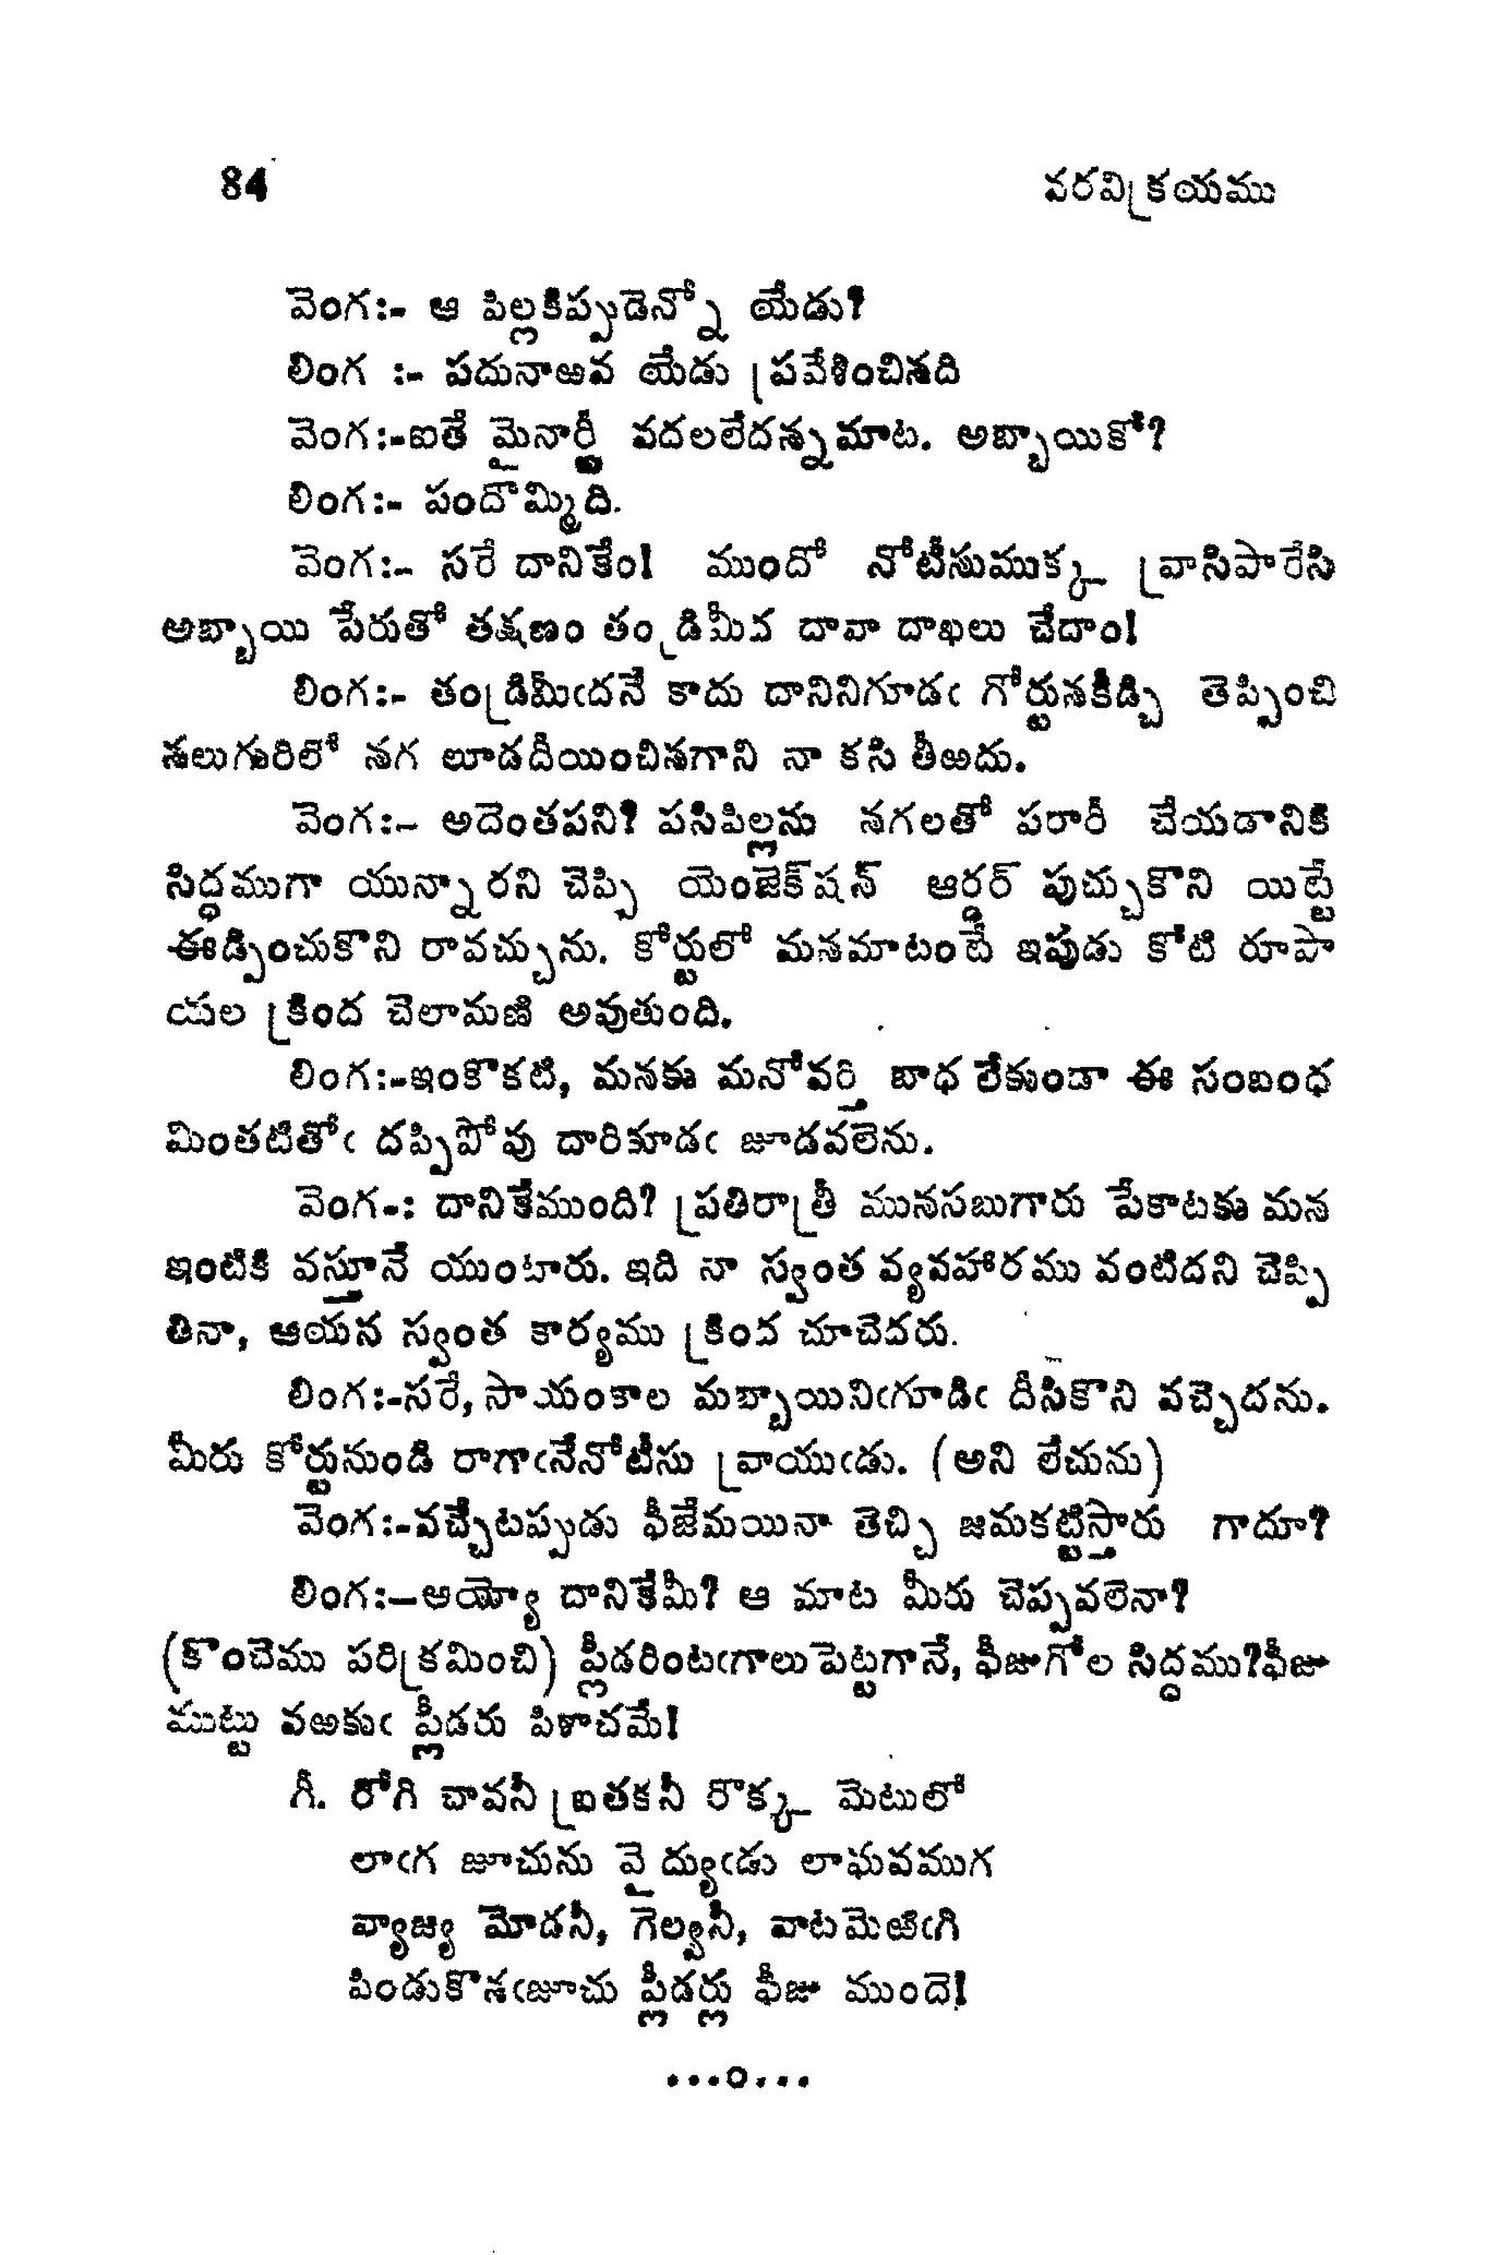వెంగ :- ఆ పిల్లకిప్పుడెన్నో యేడు?

లింగ :- పదునాఱవ యేఁడు ప్రవేశించినది.

వెంగ :- ఐతే మైనార్టీ వదలలేదన్నమాట. అబ్బాయికో?

లింగ :- పందొమ్మిది.

వెంగ :- సరే దానికేం! ముందో నోటీసుముక్క వ్రాసిపారేసి అబ్బాయి పేరుతో తక్షణం తండ్రిమీద దావా దాఖలు చేదాం!

లింగ :- తండ్రిమీఁదనే కాదు. దానినిగూడఁ గోర్టునకీడ్చి తెప్పించి నలుగురిలో నగ లూడదీయించినగాని నా కసి తీఱదు.

వెంగ :- అదెంతపని? పసిపిల్లను నగలతో పరారీ చెయ్యడానికి సిద్ధముగా యున్నారని చెప్పి యెంజెక్‌షన్ ఆర్డరు పుచ్చుకొని యిట్టే ఈడ్పించుకొని రావచ్చును. కోర్టులో మనమాటంటే ఇపుడు కోటి రూపాయల క్రింద చెలామణీ అవుతుంది.

లింగ :- ఇంకొకటి, మనకు మనోవర్తి బాధ లేకుండా ఈ సంబంధ మింతటితోఁ దప్పిపోవు దారికూడఁ జూడవలెను.

వెంగ :- దానికేముంది? ప్రతిరాత్రీ మునసబుగారు పేకాటకు మన ఇంటికి వస్తూనే యుంటారు. ఇది నా స్వంత వ్యవహారము వంటిదని చెప్పితినా, ఆయన స్వంత కార్యము క్రింద చూచెదరు.

లింగ :- సరే, సాయంకాల మబ్బాయినిఁగూడిఁ దీసికొని వచ్చెదను. మీరు కోర్టునుండి రాఁగానే నోటీసు వ్రాయుఁడు. (అని లేచును.)

వెంగ :- వచ్చేటప్పుడు ఫీజేమయినా తెచ్చి జమకట్టిస్తారు గాదూ?

లింగ :- అయ్యో, దానికేమీ? ఆమాట మీరు చెప్పవలెనా? (కొంచెము పరిక్రమించి) ప్లీడరింటఁగాలు పెట్టగానే, ఫీజుగోల సిద్ధము! ఫీజు ముట్టువఱకుఁ ప్లీడరు పిశాచమే!

గీ. రోగి చావనీ బ్రతుకనీ రొక్క మెటులొ
 లాగ జూచును వైద్యుఁడు లాఘవముగ
 వ్యాజ్య మోడనీ గెల్వనీ వాటమెఱిఁగి
 పిండుకొనఁజూచు ప్లీడరు ఫీజు ముందె!